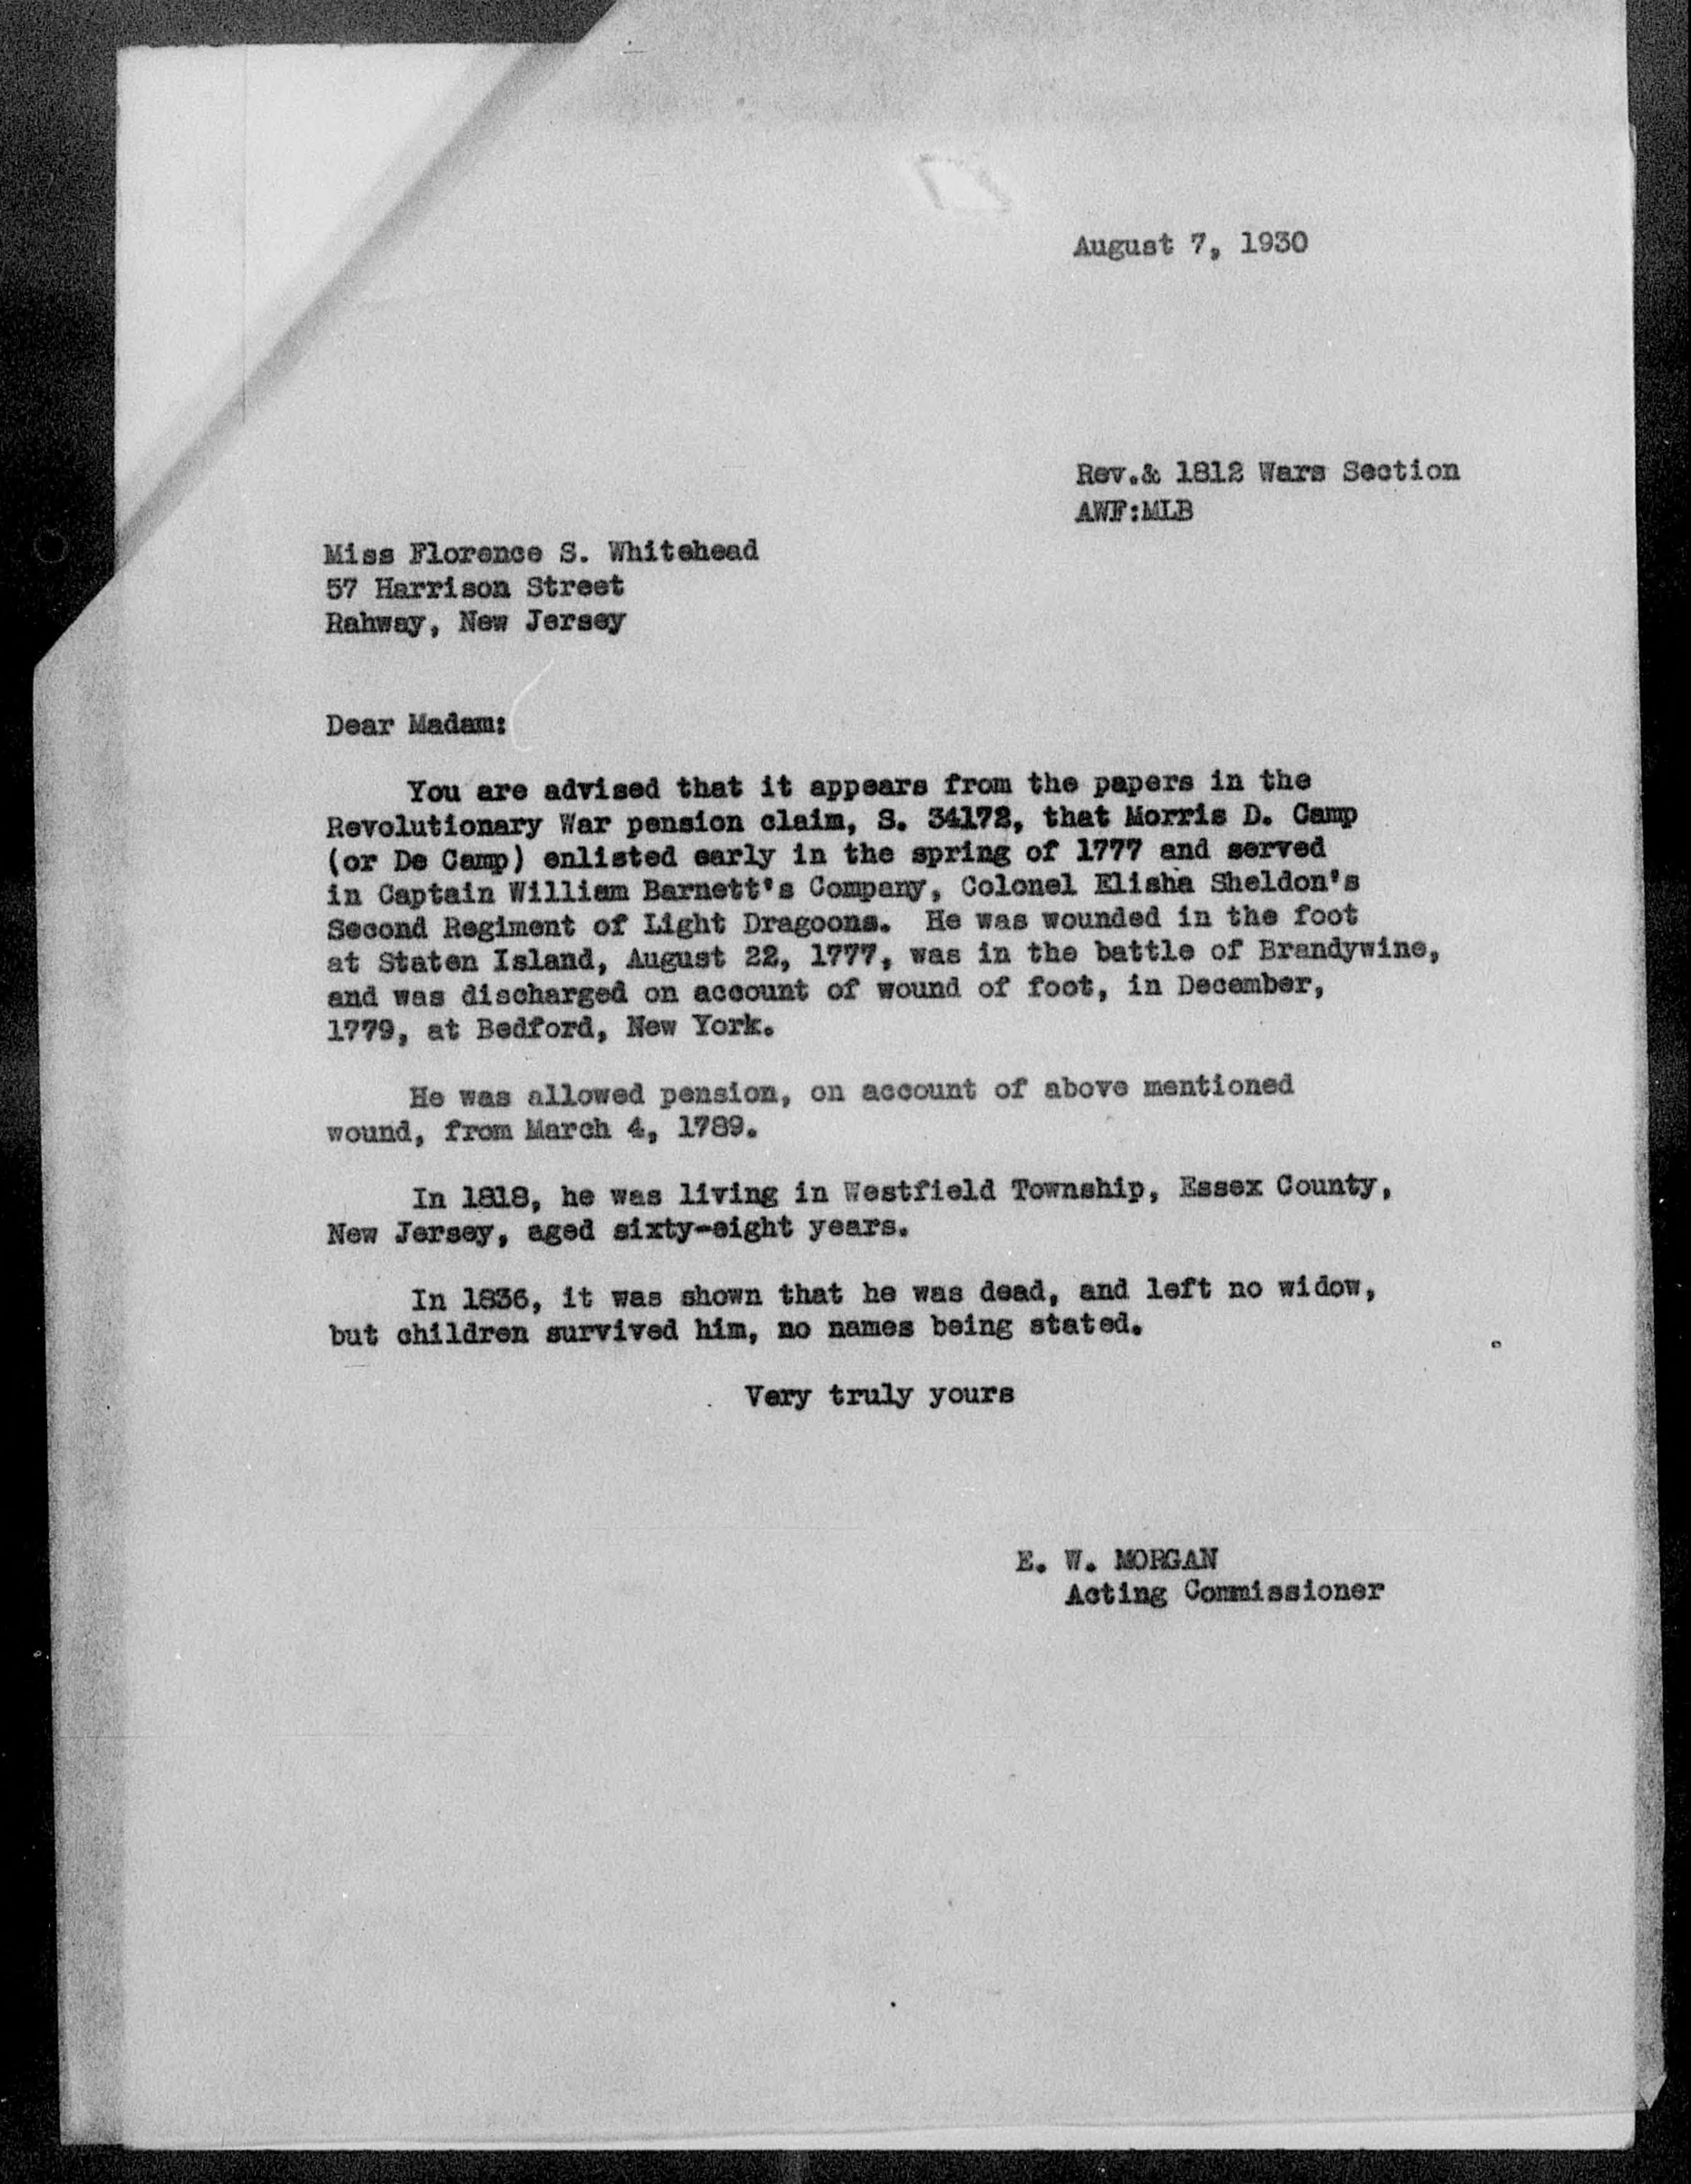August 7, 1930
Rev.& 1812 Wars Section
AWF: MLB

Miss Florence S. Whitehead
57 Harrison Street
Rahway, New Jersey
Dear Madam:

You are advised that it appears from the papers in the Revolutionary War pension claim, S. 34172, that Morris D. Camp
(or De Camp) enlisted early in the spring of 1777 and served in Captain William Barnett's Company, Colonel Elisha Sheldon's Second Regiment of Light Dragoons. He was wounded in the foot at Staten Island, August 22, 1777, was in the battle of Brandywine,
and was discharged on account of wound of foot, in December, 1779, at Bedford, New York.
He was allowed pension, on account of above mentioned wound, from March 4, 1789.
In 1818, he was living in Westfield Township, Essex County, New Jersey, aged sixty-eight years.
In 1836, it was shown that he was dead, and left no widow, but children survived him, no names being stated.
Very truly yours
E. W. MORGAN
Acting
Commissioner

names: Florence S Whitehead, Morris D De Camp, E W Morgan, Morris D Camp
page: 52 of 52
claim: survivor's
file: S. 34172, Morris D Camp, Continental (New Jersey)